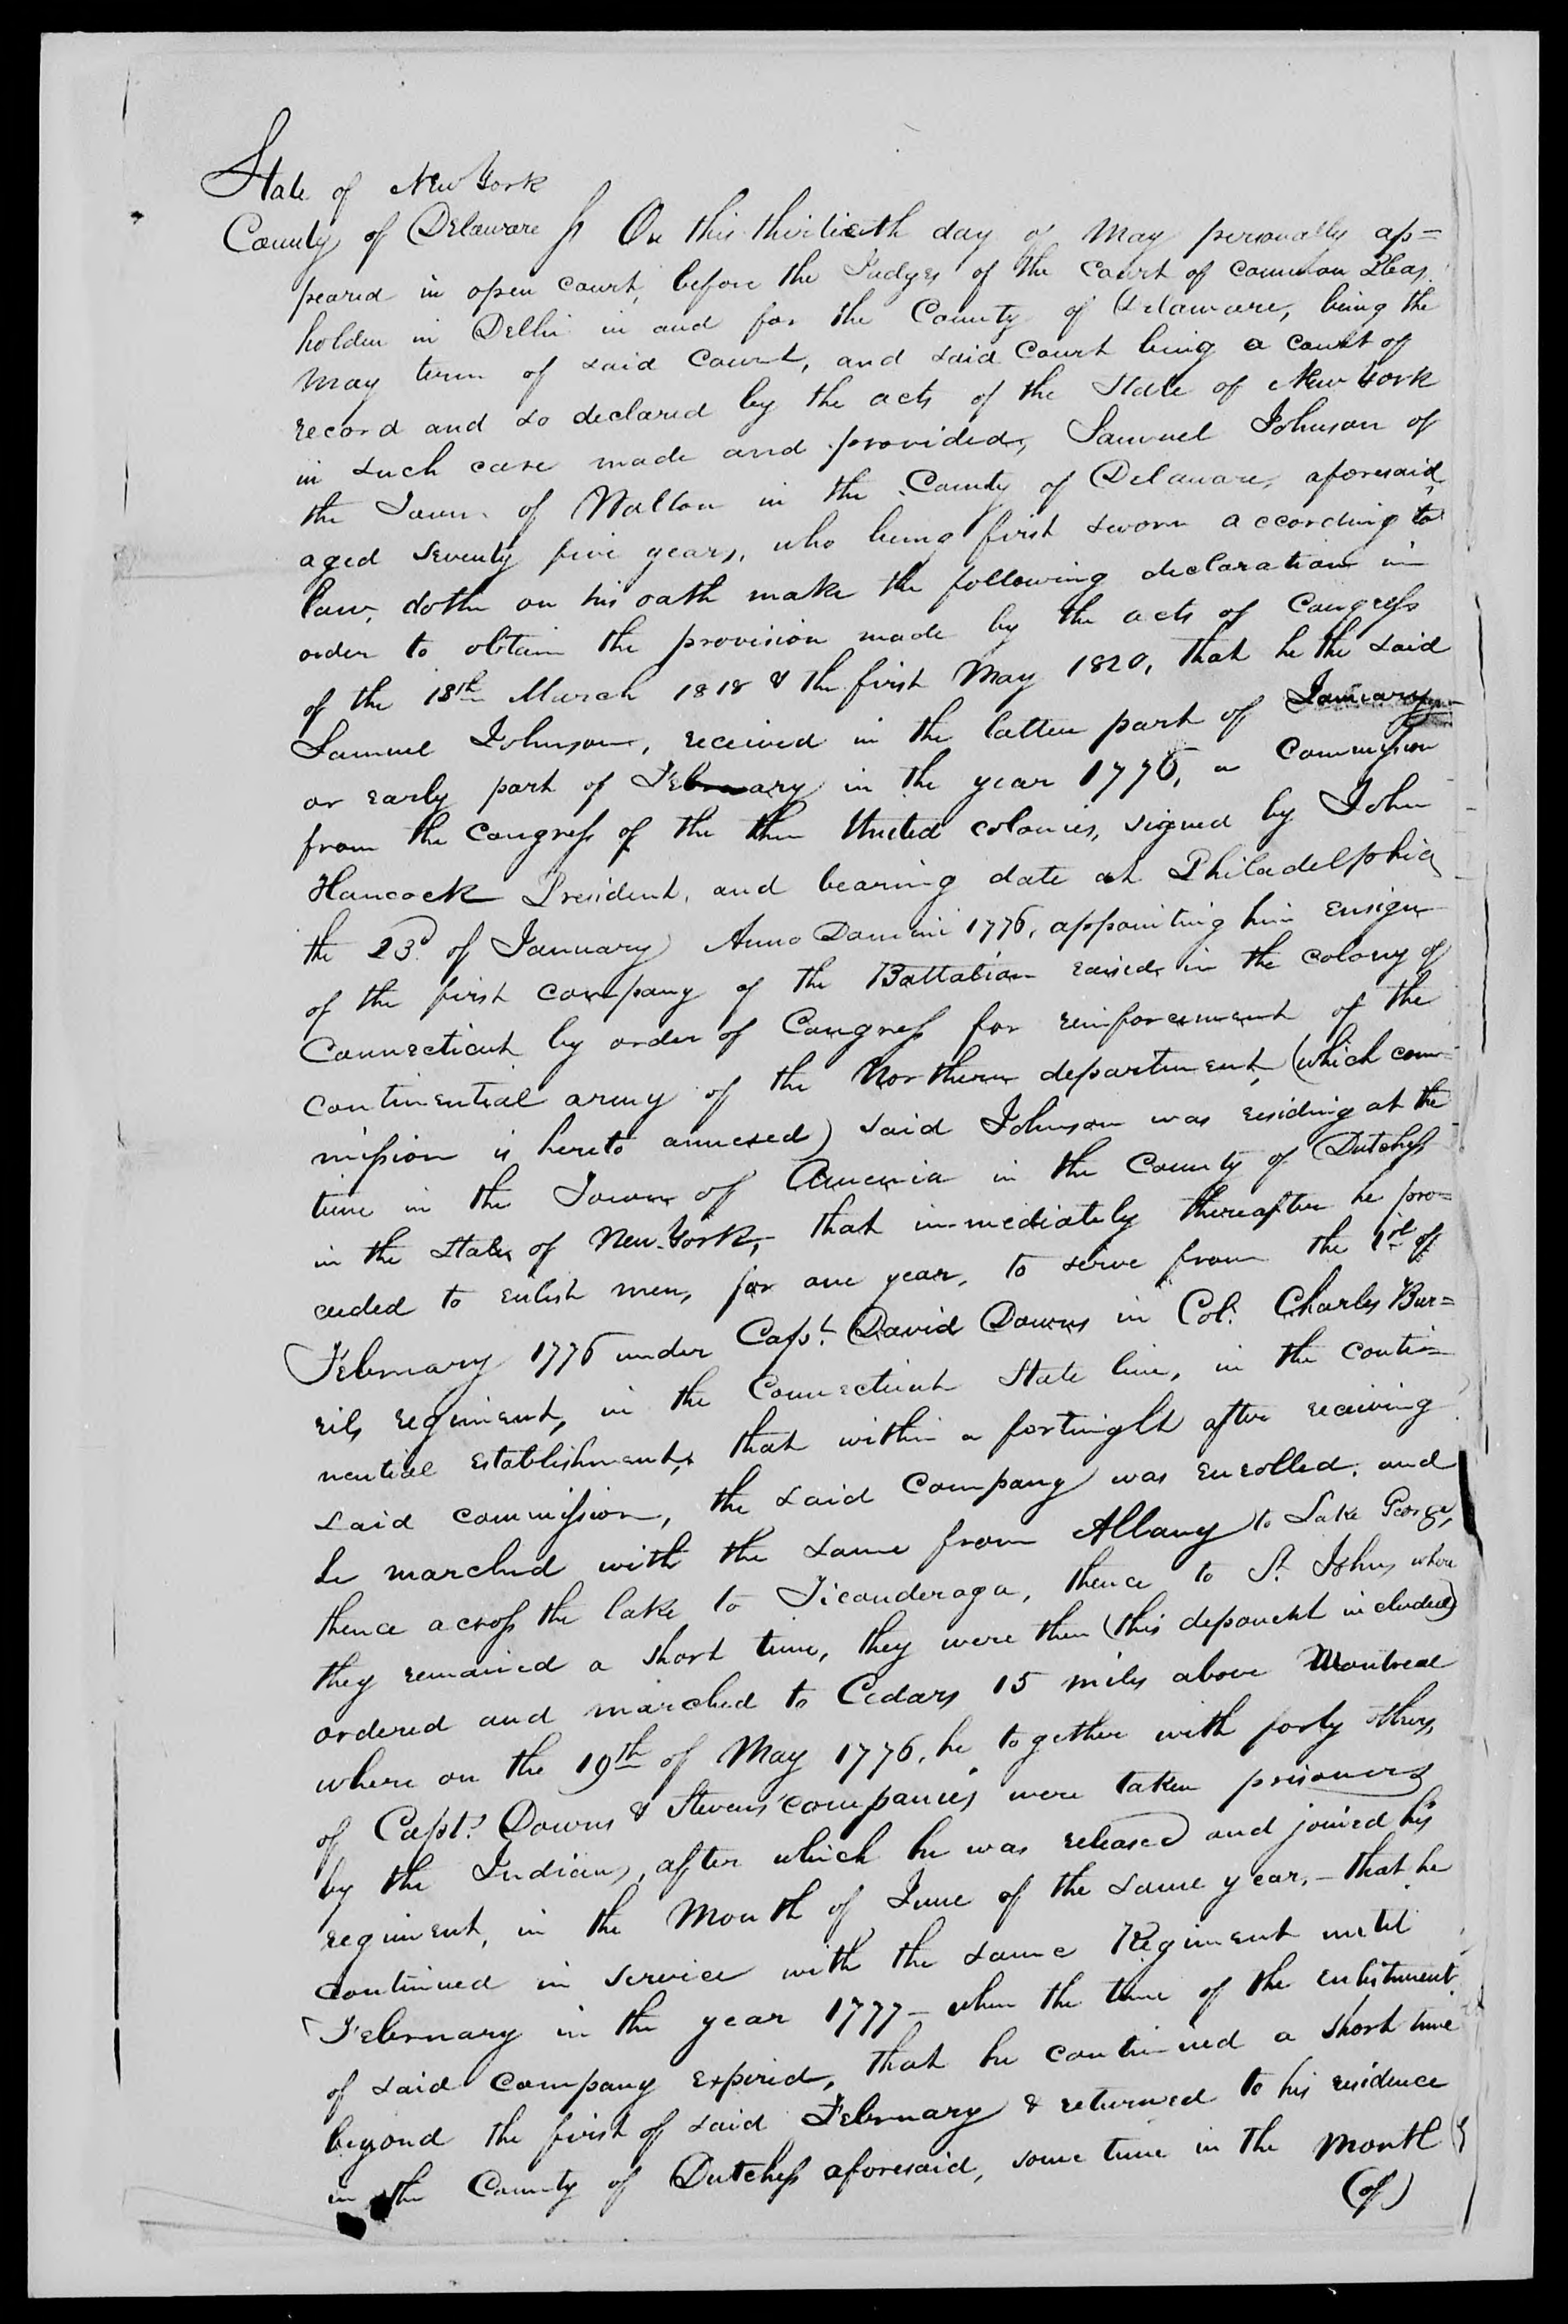State of New York County of Delaware ss

On this thirtieth day of May personally appeared in open court, before the Judge of the Court of Common Pleas holden in Delhi in and for the County of Delaware, being the May term of said Court, and said Court being a Court of record and so declared by the acts of the State of New York in such case made and provided, Samuel Johnson of the Town of Walton in the Couty of Delaware, aforesaid aged seventy five years, who being first duly sworn according to law, doth on his oath make the following declaration in order to obtain the provision made by the acts of Congress of the 18th March 1818 & the first May 1820, that he the said Samuel Johnson, received in the latter part of January or early part of February in the year 1776, a commission from the Congress of the United colonies, signed by John Hancock President, and bearing date at Philadelphia the 23d of January Anno Domini 1776, appointing him Ensign of the first company of the Battalian raised in the colony of Connecticut by order of Congress for reinforcement of the Continental army of the Northern department (which commission is hereto annexed) said Johnson was residing at the time in the Town of Amenia in the County of Dutchess in the State of New York, that immediately thereafter he proceeded to enlist men, for one year, to serve from the 1st of February 1776 under Capt. David Downs in Col. Charles Burrils regiment, in the Connecticut State line, in the continental establishment that within a fortnight after receiving said commission, the said company was enrolled, and he marched with the same from Albany to Lake George, thence across the lake to Ticonderoga, thence to St. Johns, where they remained a short time, they were then (this deponent included) ordered and marched to Cedars, 15 miles above Montreal where on the 19th of May 1776, he together with forty three of Capt. Downs & Stevens companies were taken prisoners by the Indian, after which he was released and joined his regiment, in the month of June of the same year. - that he continued in service with the same regiment until February in the year 1777 - when the time of the enlistment of the said company expired. That he continued to his residence in the County of Dutchess aforesaid, some time in the month (of)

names: Samuel Johnson; John Hancock; David Downs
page: 8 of 43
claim: rejected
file: R. 5655, for Samuel Johnson, Connecticut